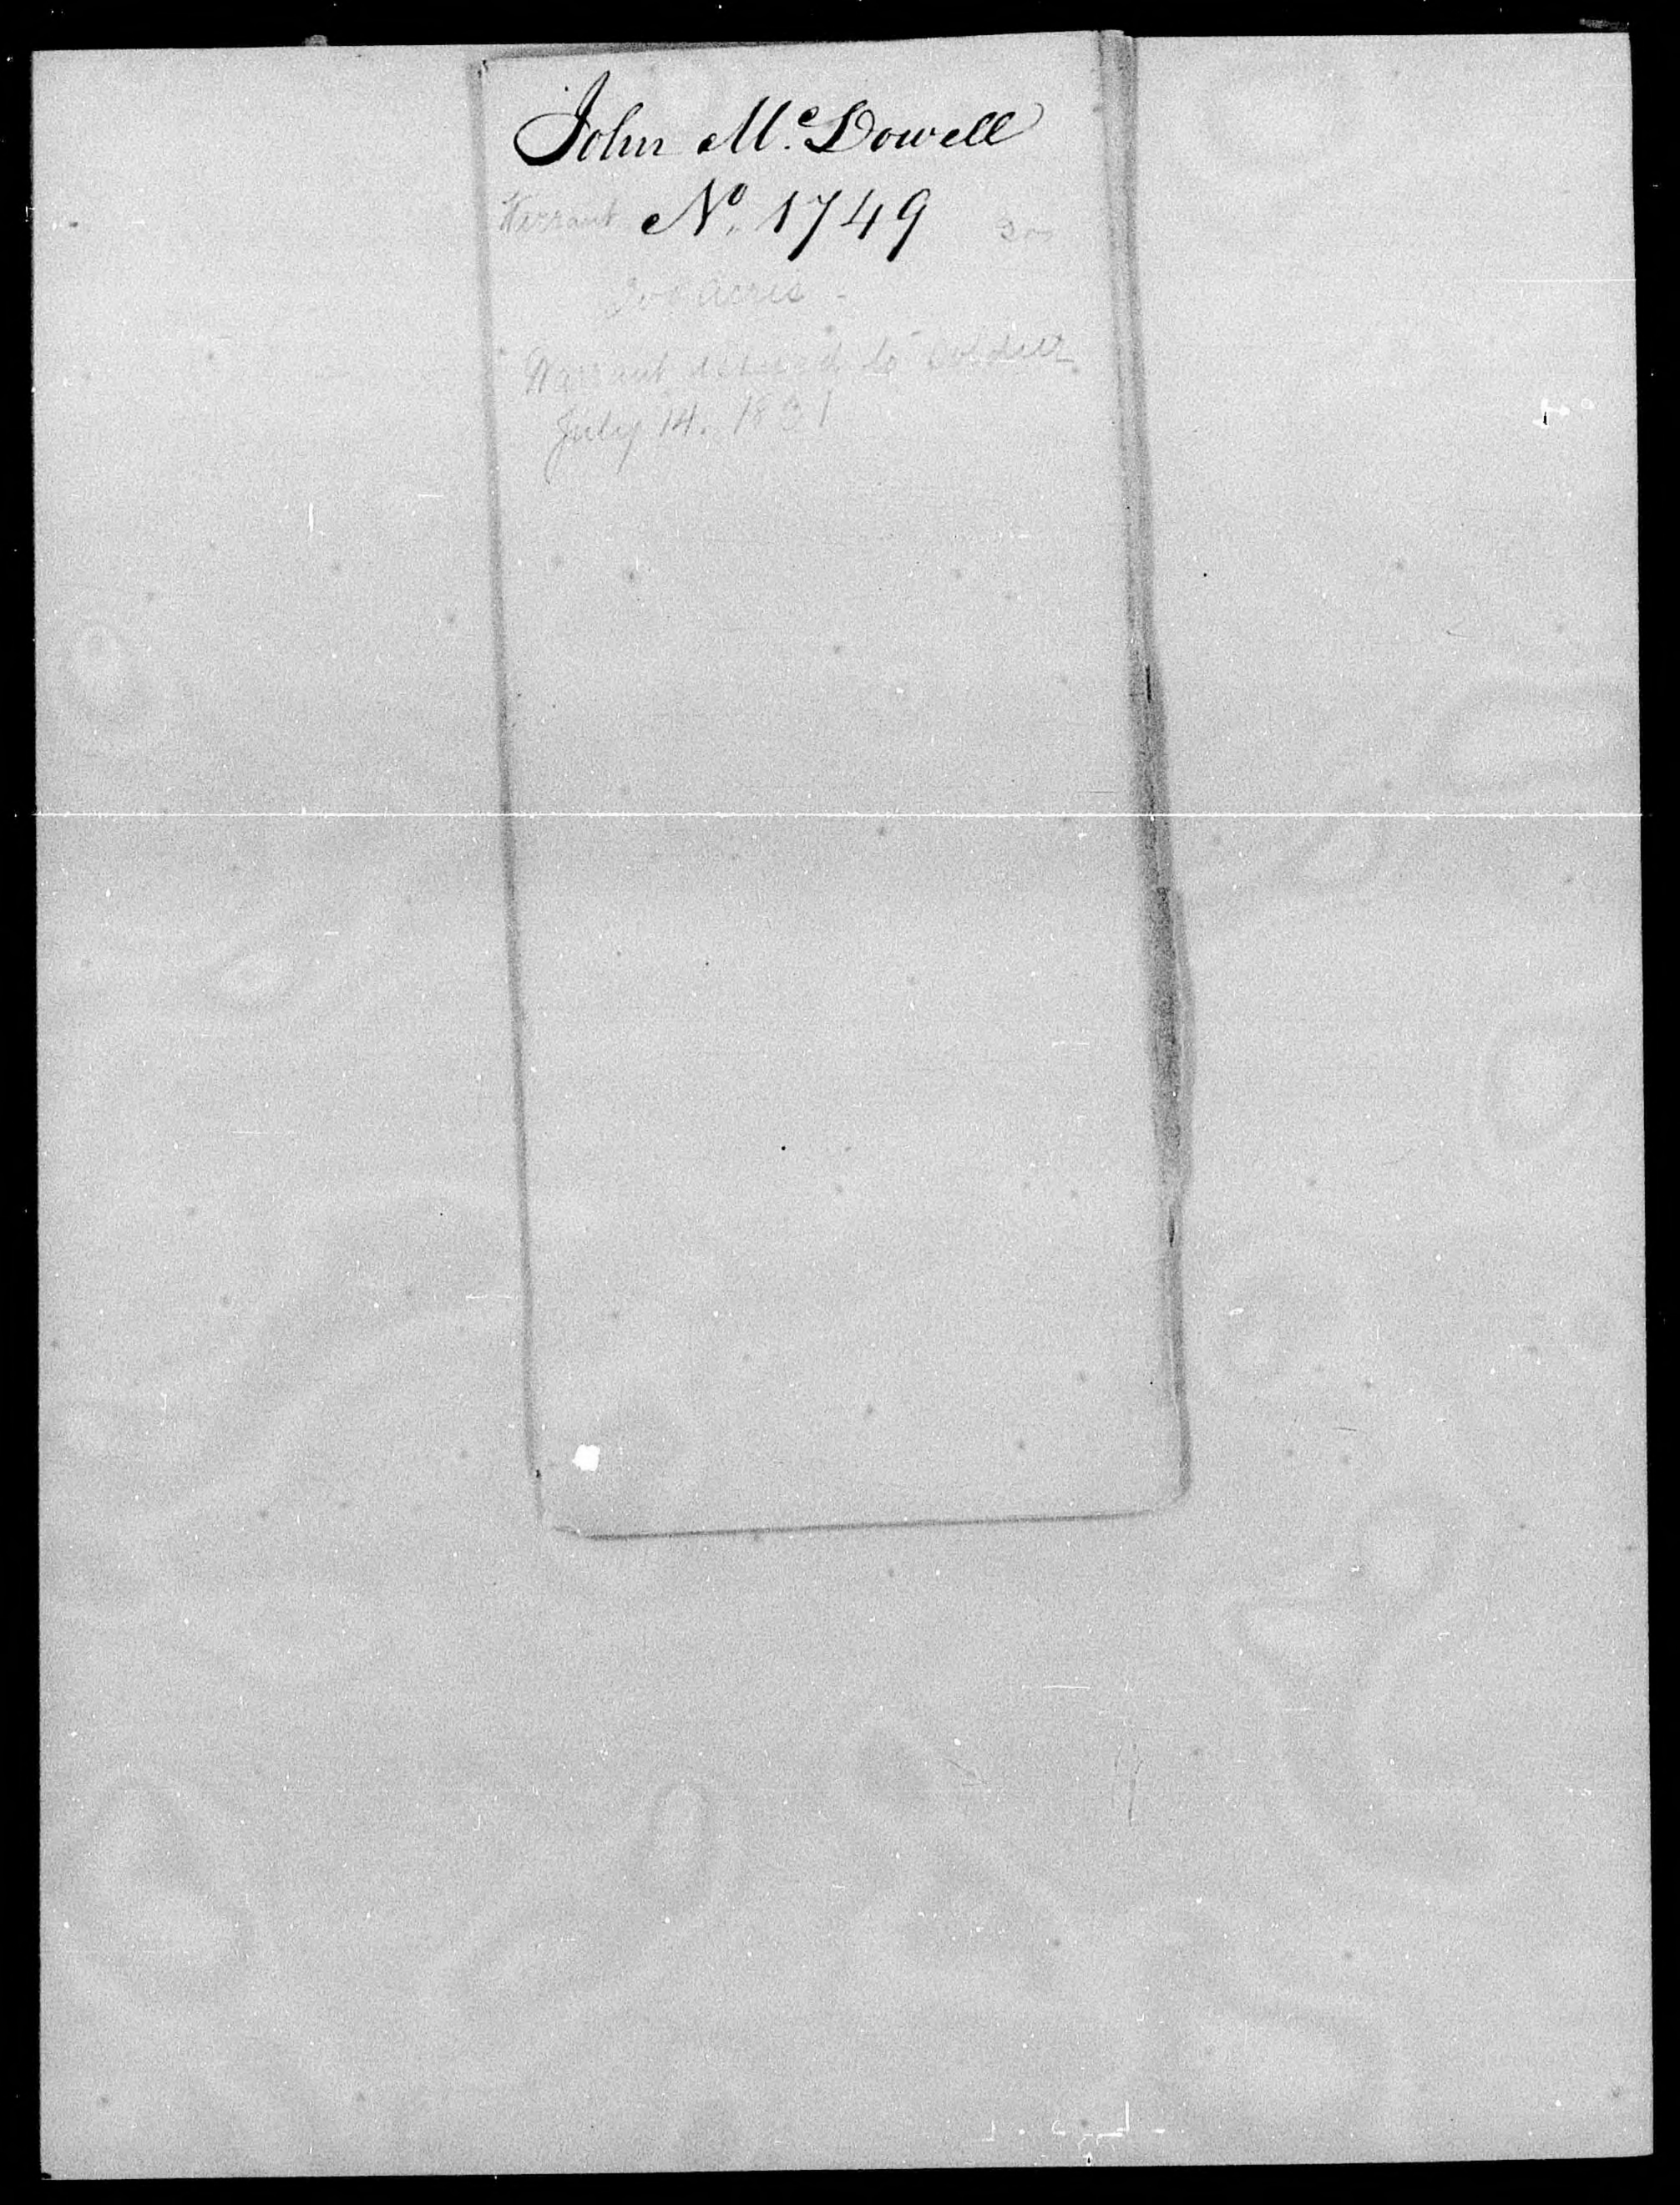John McDowell
Warrant No. 1749
200 acres
Warrant issued to soldier
July 14, 18[ ]1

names: John Mc Dowell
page: 19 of 47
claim: survivor's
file: S. 30578, for John Mc Dowell, Virginia